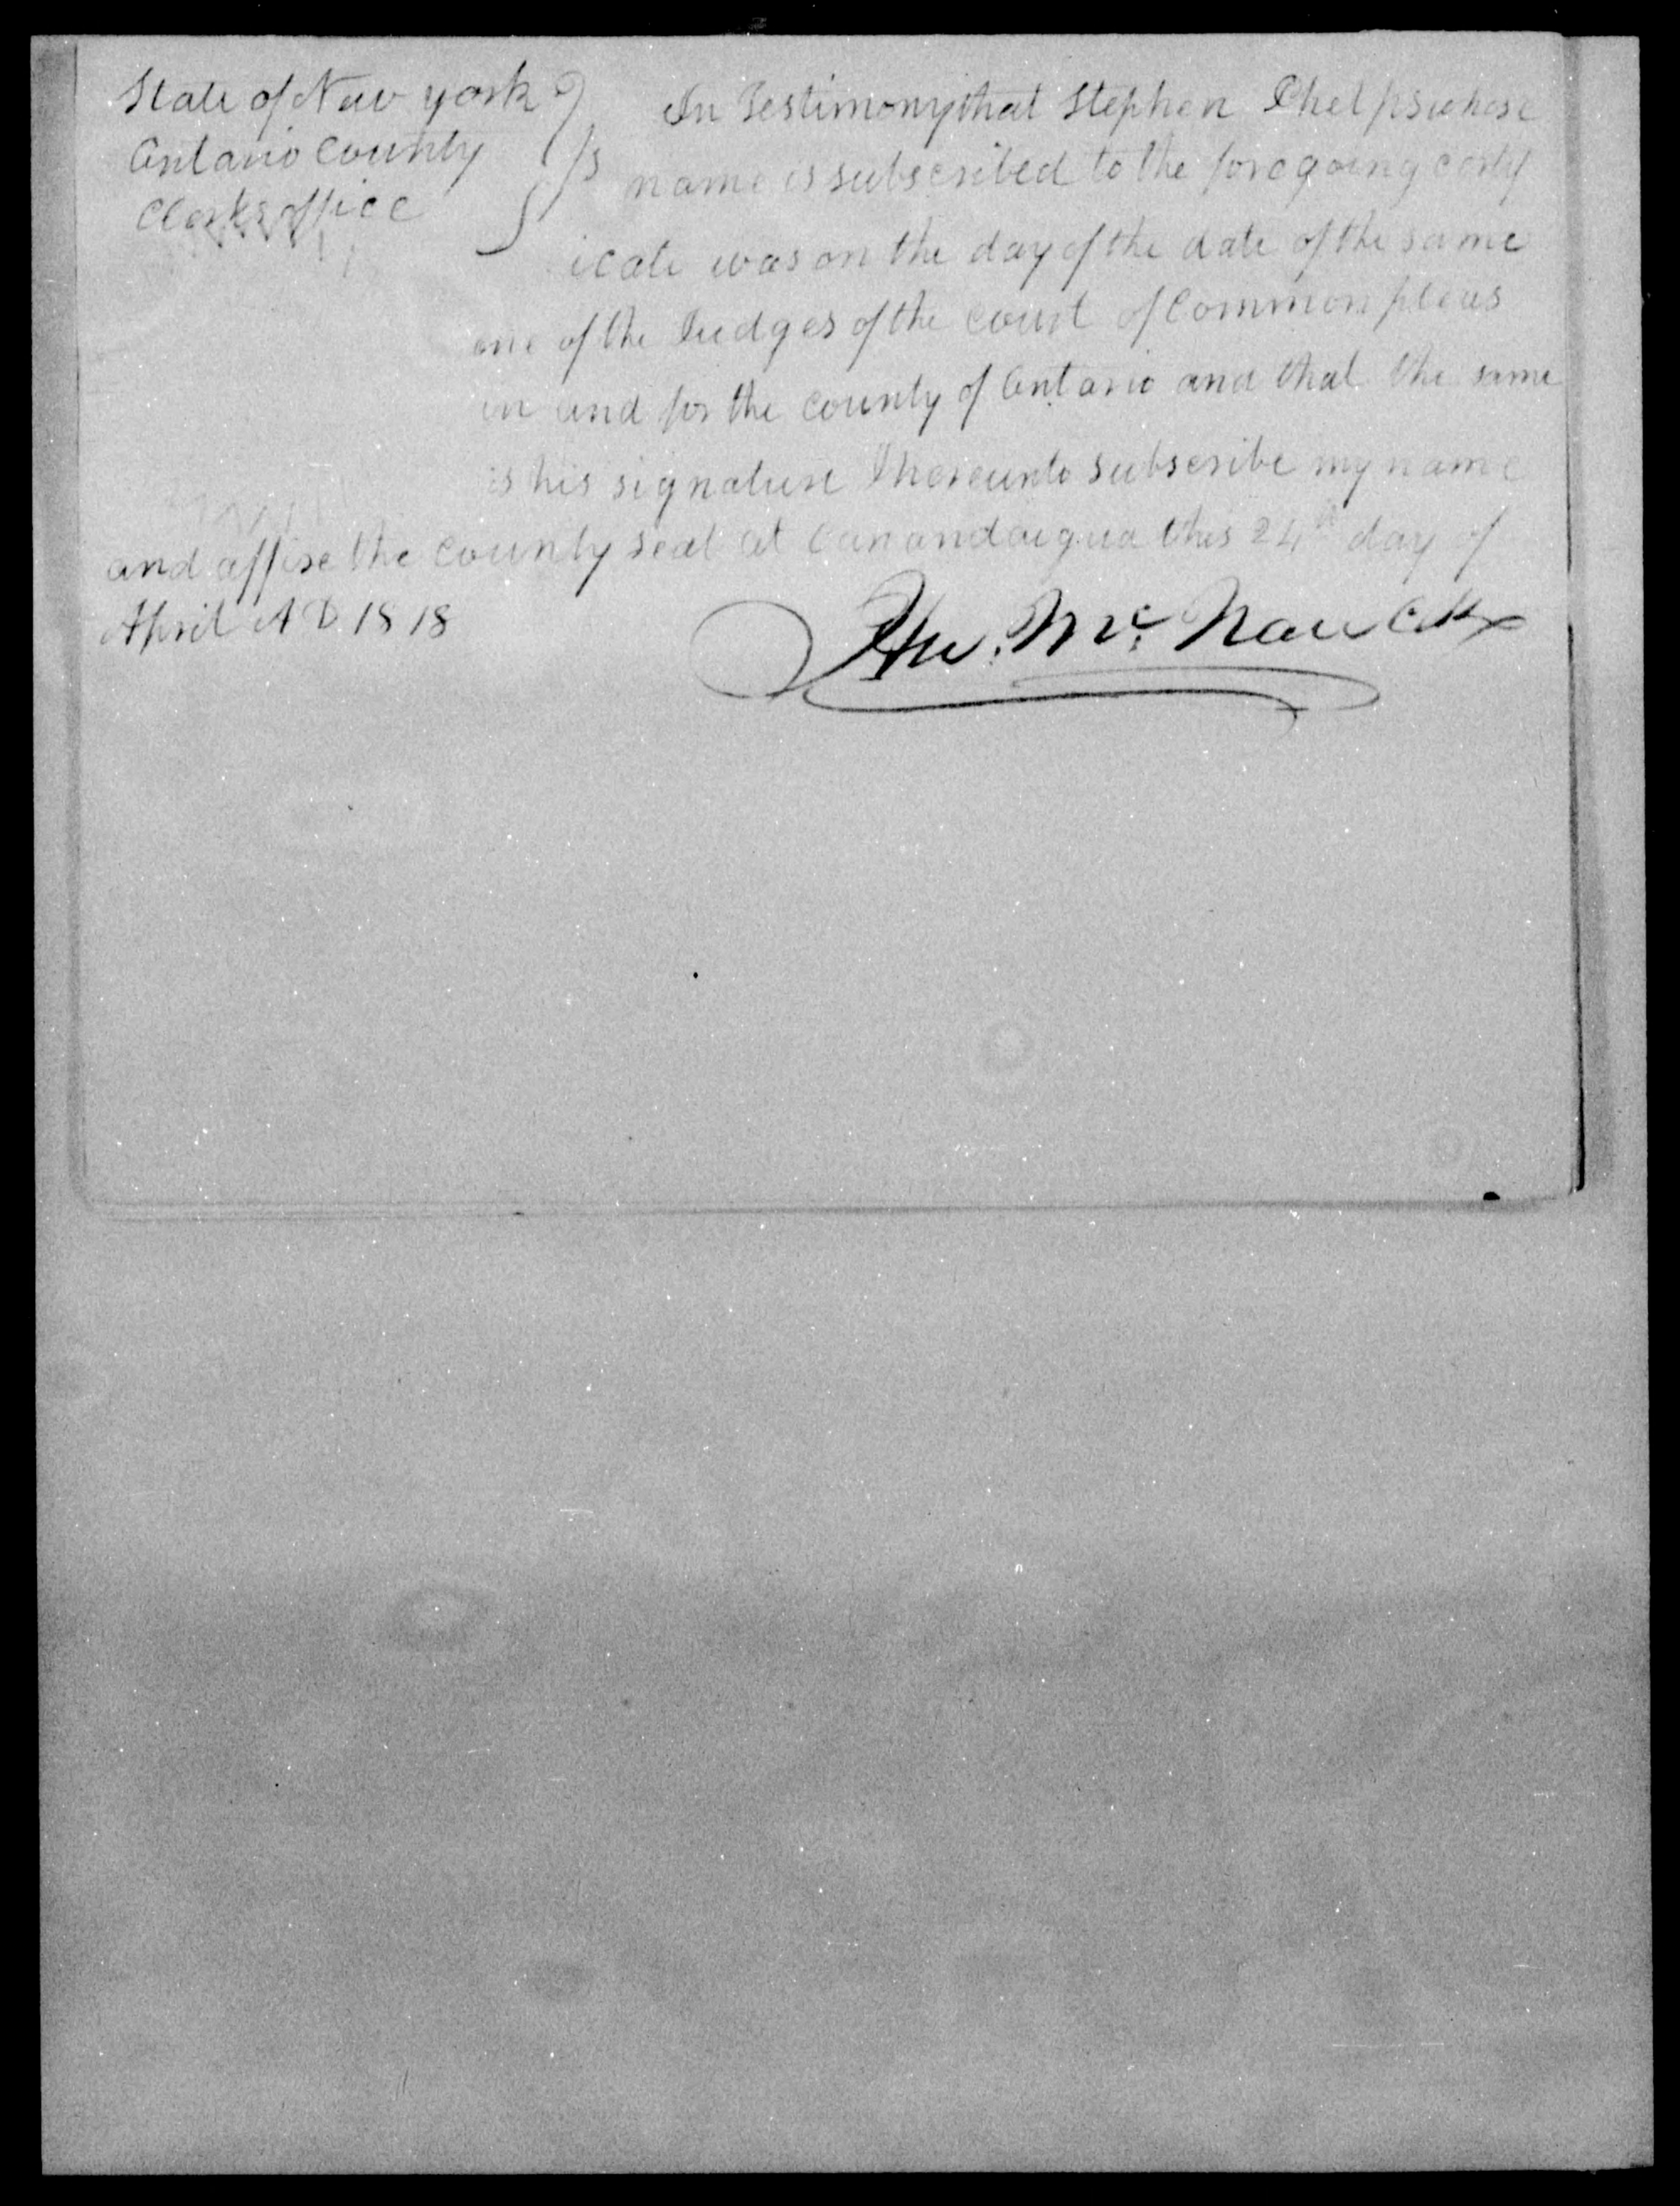State of New York
Ontario County
Clerks office}
In Testimony that Stephen Phelps whose name is subscribed to the foregoing certificate was on the day of the date of the same one of the Judges of the Court of Common Pleas in and for the county of Ontario and that the same is his signature  I hereunto subscribe my name and affix the County seal at Canandaiqua this 24th day of April A D 1818
HW McNair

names: Stephen Phelps; Hu Mc Nair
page: 10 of 20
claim: survivor's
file: S. 43891, for Daniel Ray, Connecticut